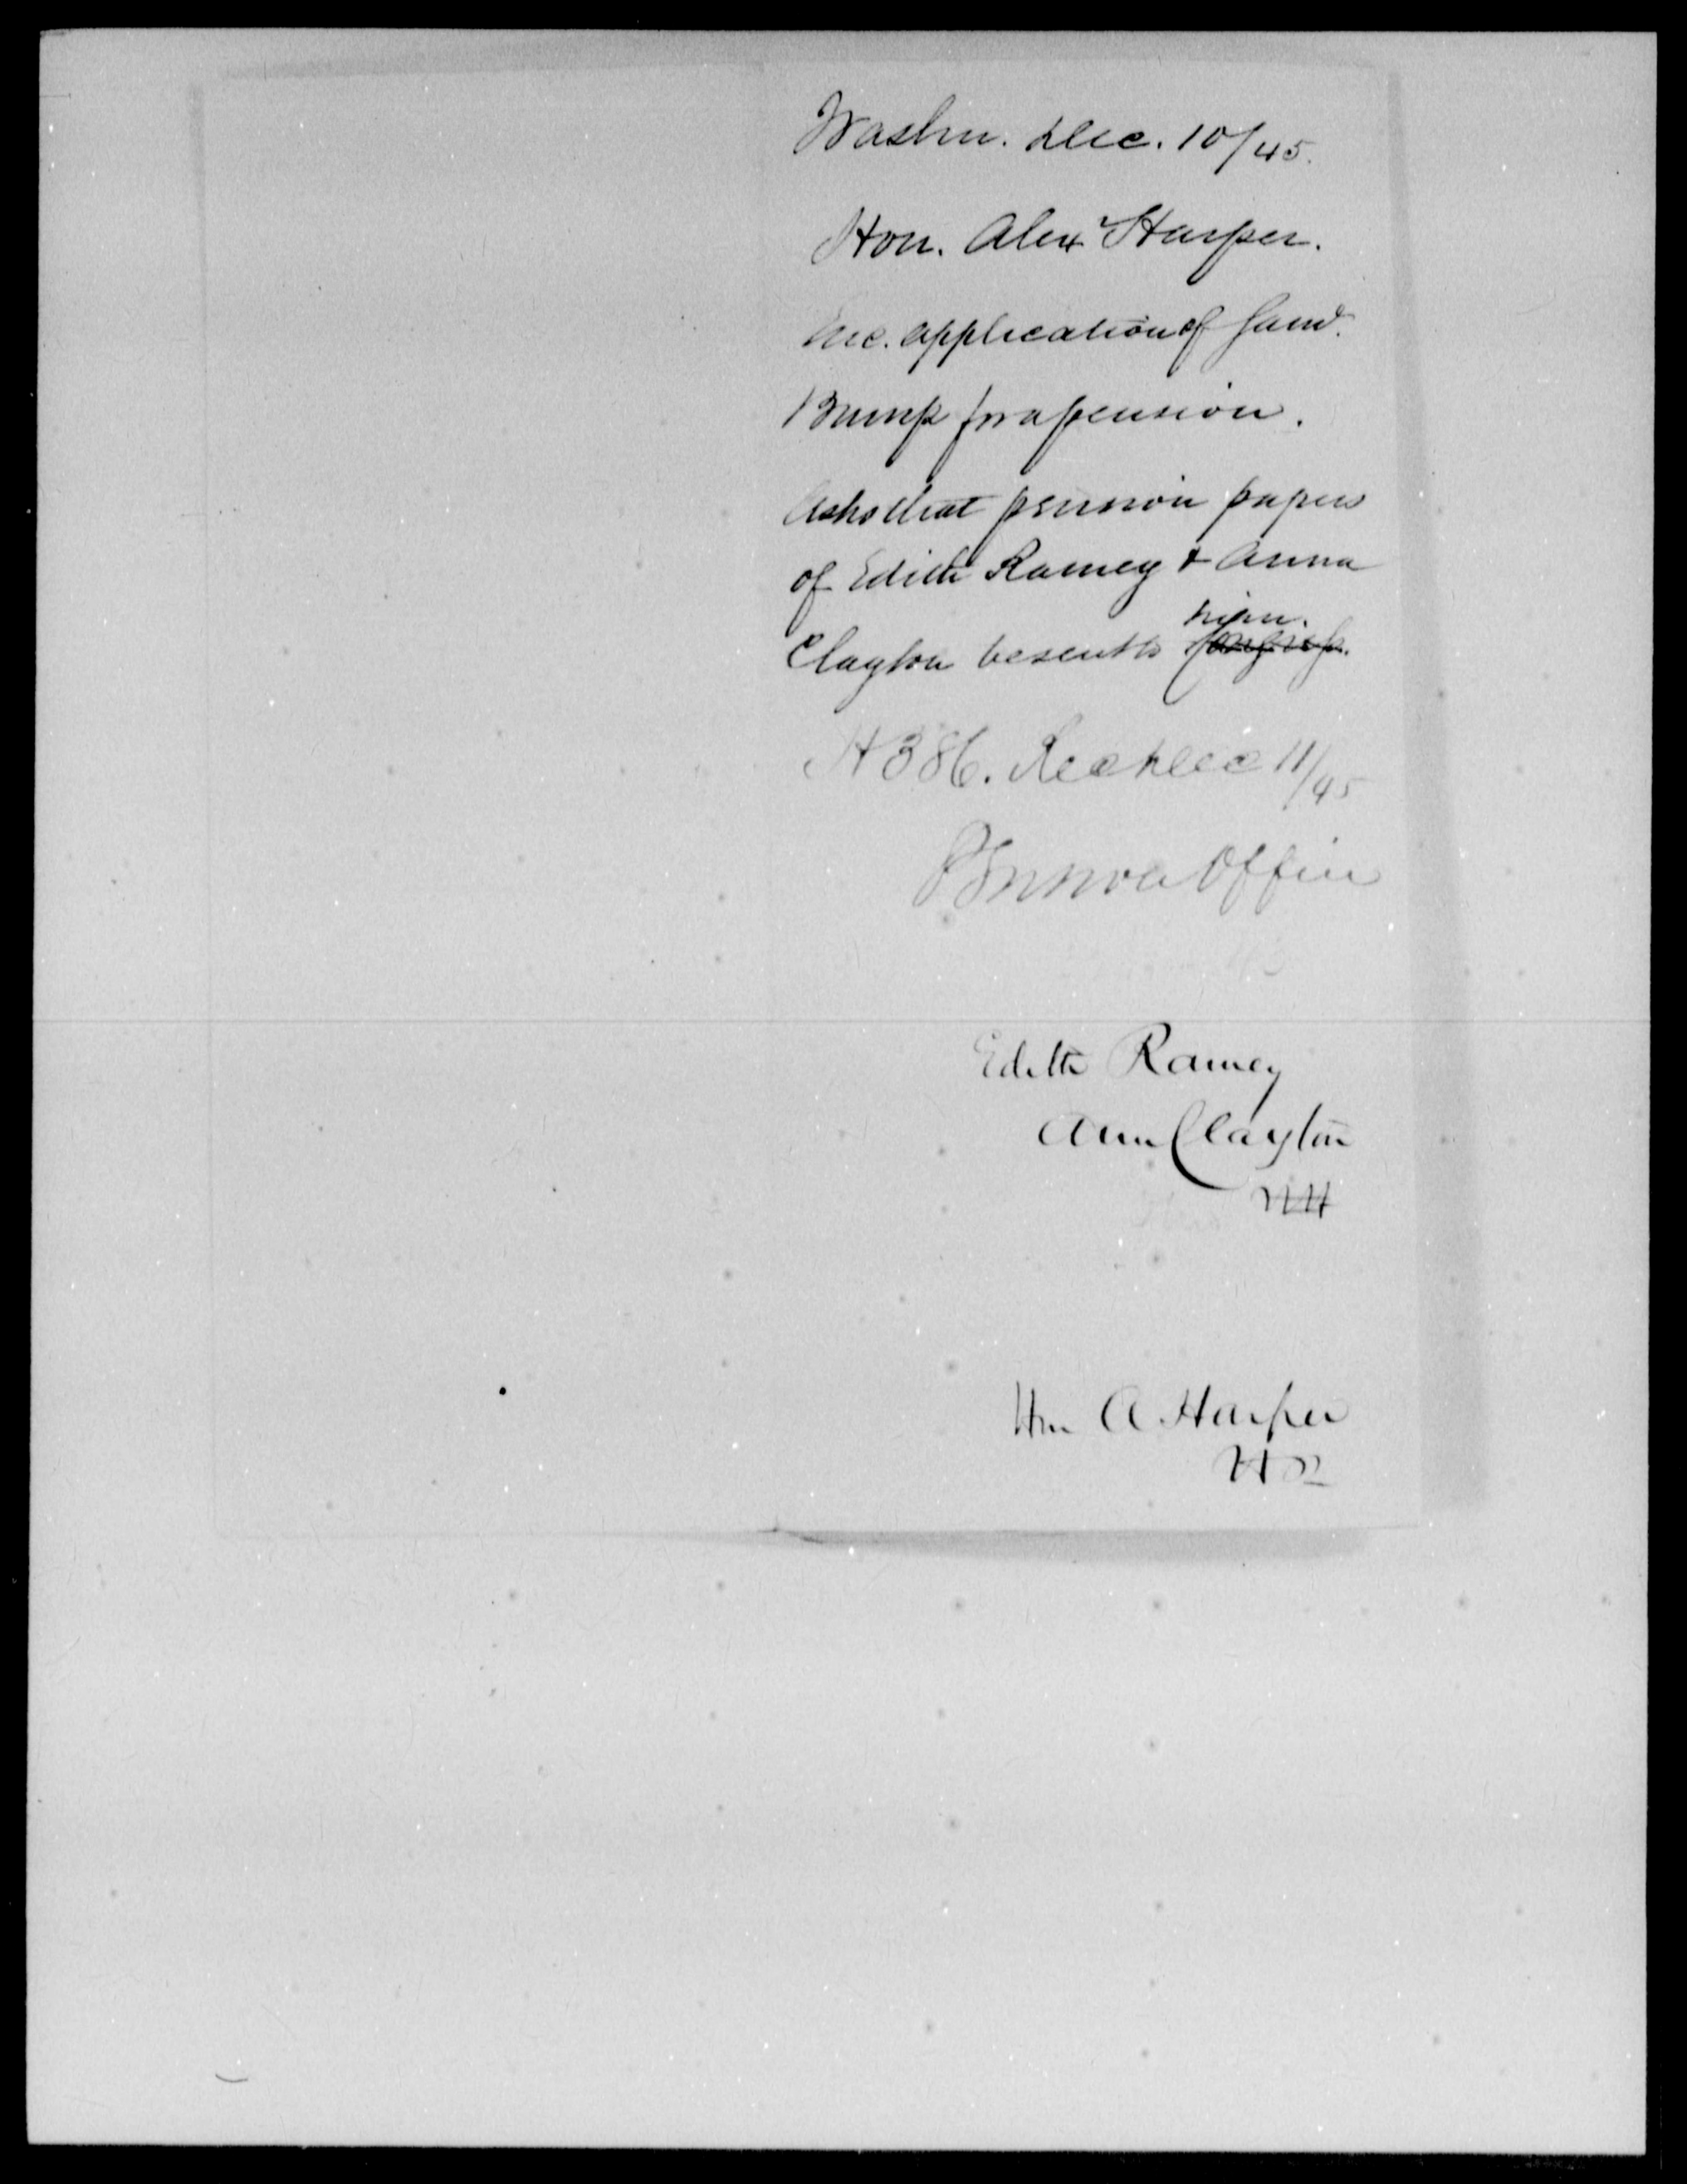Washn. Dec. 10/45.
Hon. Alex Harper.
The application of Saml. Bump for a pension.
Asks that pension papers of Edith Ramey & Anna Clayton be sent to him.
H386. See Dec 11/45
Pension Office
Edith Ramey
Ann Clayton
Hon A Harper
HR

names: Edith Ramey; Anna Clayton; Edith Ramey; Alex Harper; Ann Clayton; A Harper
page: 33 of 84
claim: widow's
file: W.11104, for John Remay, Virginia